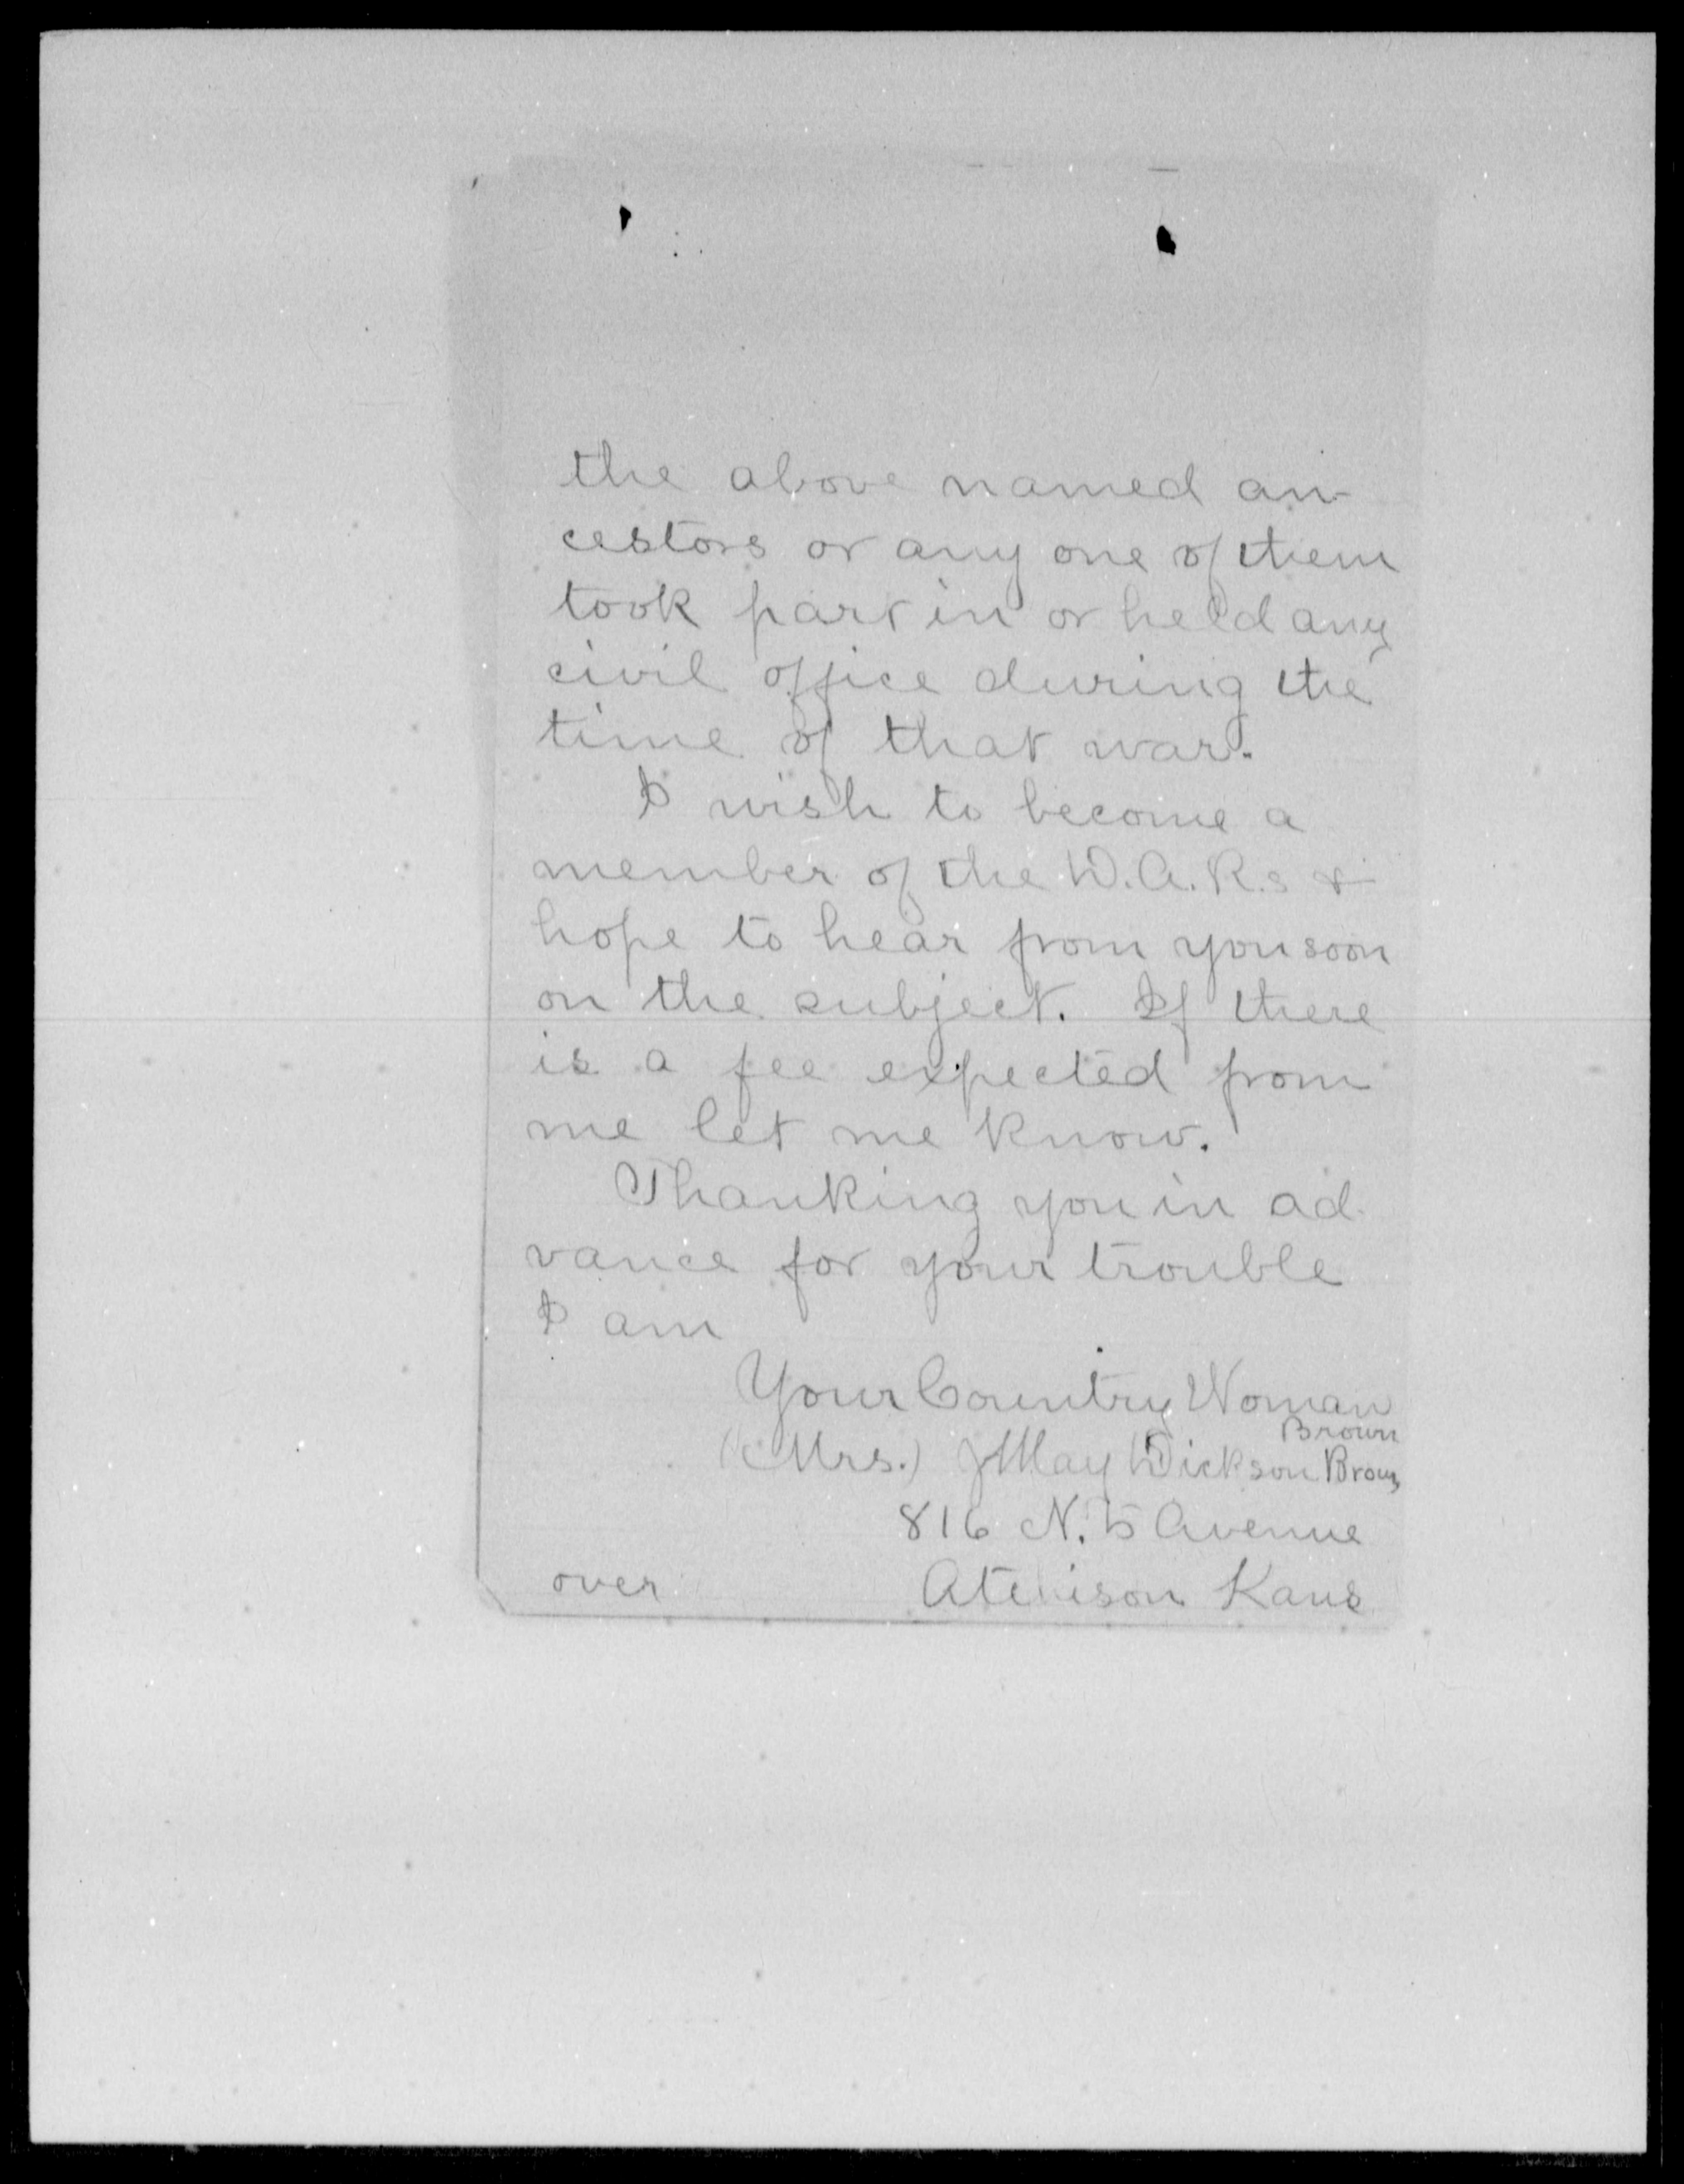the above named ancestors or any one of them took part in or held any civil office during the time of that war.
I wish to become a member of the D.A.R.s & hope to hear from you soon on the subject. If there is a fee expected from me let me know.
Thanking you in advance for your trouble I am
Your Country Woman
Brown
(Mrs.) J May Dickson Brown
816 N. 5 Avenue
over Atchison Kans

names: Brown Dickson; Brown Dickson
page: 22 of 84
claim: widow's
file: W.11104, for John Remay, Virginia